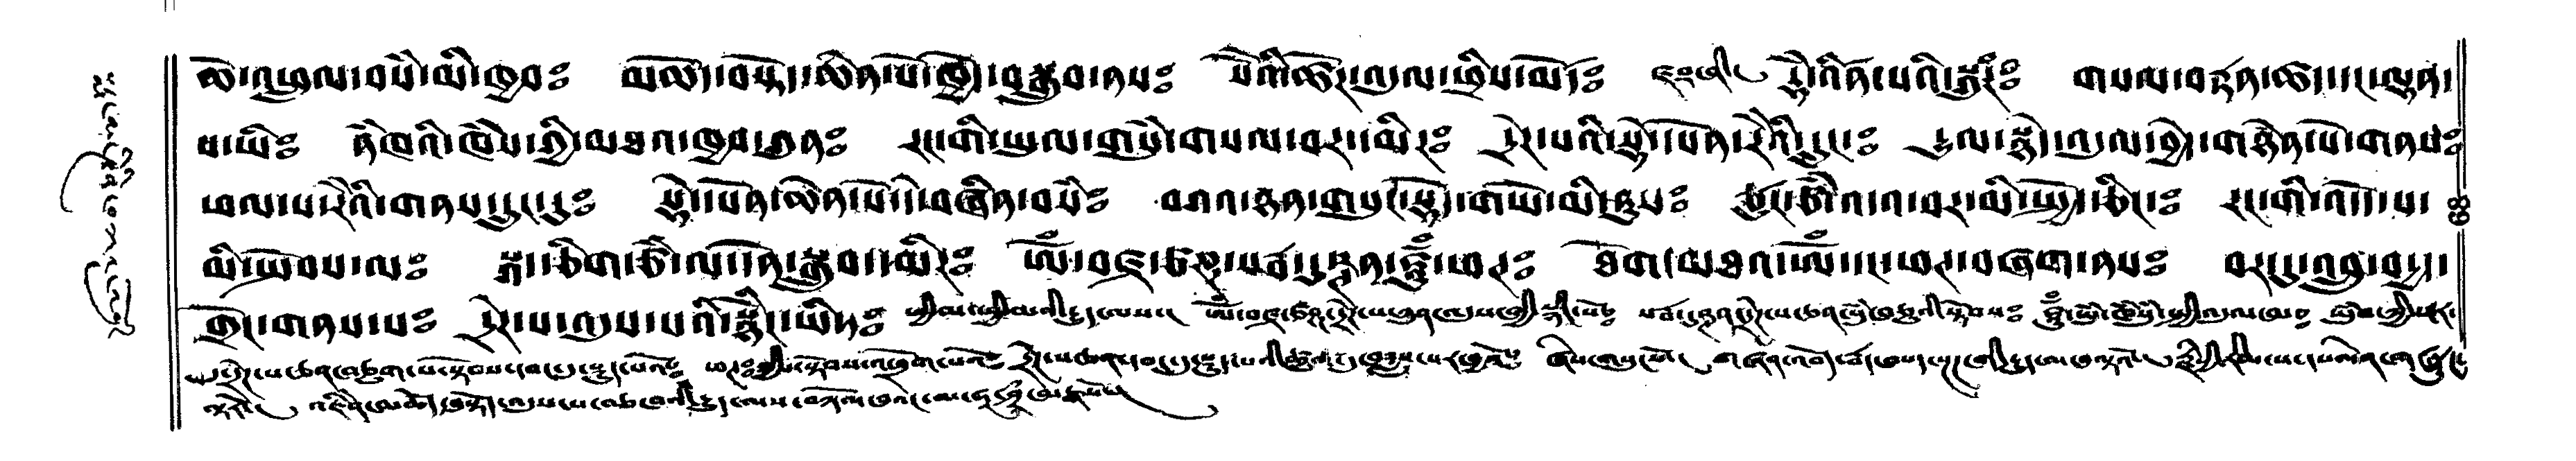ཆོ་འཕྲུལ་བསམ་མི་ཁྱབཿ མཆོད་བསྟོད་ཆེན་པོ་ཁྱོད་བསྒྲུབས་ནསཿ སོ་སོའི་ཚོགས་འདུལ་ཕྲིན་ལས་མཛོདཿ ཛབྡ་ནི། རྡོ་རྗེ་འཛིན་པའི་སྐུ་གསུང་ཐུགསཿ གསལ་བརྟན་ཚད་དང་ལྡན་
པ་ཡིཿ ནམ་མཁའི་ཁམས་ཀྱི་མཐའ་ཁྱབ་ཀུནཿ རང་གི་ཡུལ་གསུམ་གསལ་བར་དམིགསཿ དྲེགས་པའི་སྡེ་དཔོན་རེ་རེའི་དྲུང་ཿ རྡུལ་སྙེད་འདུལ་བྱེད་གཉེན་པོ་གནསཿ 
ཕལ་པ་རེ་རེའི་གནས་དྲུང་དུཿ སྡེ་དཔོན་ཆེན་པོ་དེ་བཞིན་བསམཿ བཀའ་ཉན་གསུང་སྡོད་གཡོ་མི་ནུསཿ ཅུང་ཙམ་འདའ་བར་མི་སྤྱོད་ཅིང་ཿ རང་གི་འདོད་པ་
མི་སྤོབས་ལཿ སྐད་ཅིག་ཙམ་ལ་དོན་སྒྲུབ་དམིགསཿ ཨོཾ་བཛྲ་ཙཎྜ་སརྦ་དུཥྚན་ཧཱུྃ་ཕཊཿ ཐོག་མཐའ་ཨོཾ་དང་ཕཊ་བཞག་ནསཿ བར་དུ་འབྲུ་བརྒྱད་
གྲོགས་གནས་པཿ དྲེགས་པ་འདུས་པའི་སྙིང་པོ་ཡིནཿ ཕྱི་མ་ཕྱི་མའི་བརྒྱུད་ལས། ཨོཾ་བཛྲ་ཙཎྜ་དྲེགས་པ་ཀུན་འདུས་གྱི་སྙིང་པོཿ སརྦ་དུཥྚན་དྲེགས་པ་ཅན་སུམ་ཅུའི་སྟོབསཿ ཧཱུྃ་ཡབ་ཡུམ་ཁམས་གསུམ་སྤྱི་འདུལ་མཿ ཡབ་ཡུམ་གྱི་ཕན་
དུ་དྲེགས་པ་ཅན་བཅུག་པ་སྟོབས་དབང་དུ་སྡུད་པའོཿ ཕཊ༔ཀྱིས་སྟོབས་འཕྲོག་པའོཿ དྲེགས་པ་ཅན་དབང་དུ་སྡུད་པའི་ཚུལ་དུ་བཟླ་པར་བྱའོཿ ཞེས་གསུངས་སོ།གཞན་འབོད་རྦད་བསད་སྔགས་གི་རྒྱུད་ལ་བལྟའོ། རྗེས་ཀྱྀ་རིམ་པ་དཔལ་ཆེན་གཞུང་
ལྟར་རོ། འཇིག་རྟེན་མཆོད་བསྟོད་འདུས་པ་རྩ་བའི་རྒྱུད་ལས་བཀོལ་བའང་མ་ཧཱ་ཤྲྀ་མངྒལོ།